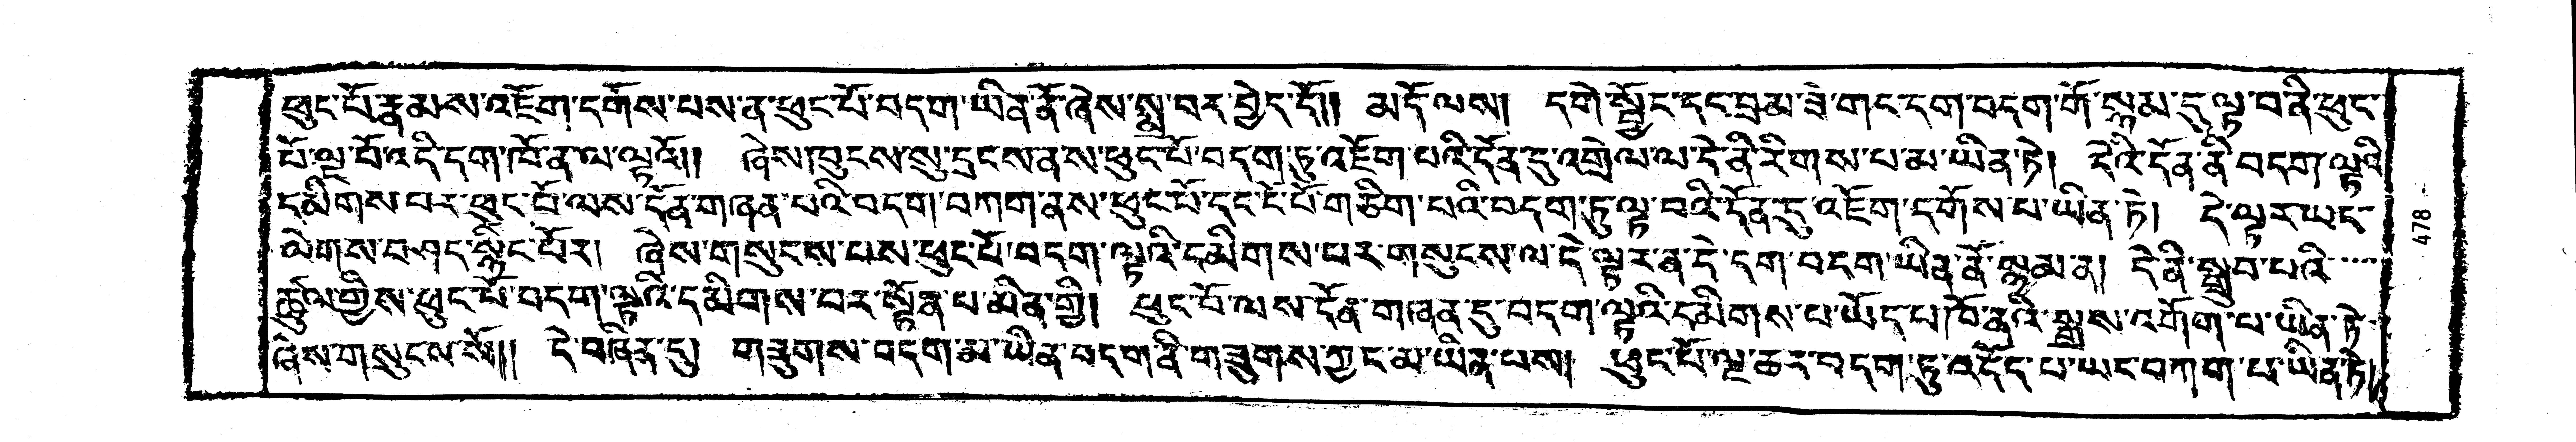ཕུང་པོ་རྣམས་འཇོག་དགོས་པས་ན་ཕུང་པོ་བདག་ཡིན་ནོ་ཞེས་སྨྲ་བར་བྱེད་དོ།། མདོ་ལས། དགེ་སྦྱོང་དང་བྲམ་ཟེ་གང་དག་བདག་གོ་སྙམ་དུ་ལྟ་བ་ནི་ཕུང་
པོ་ལྔ་པོ་འདི་དག་ཁོ་ན་ལ་ལྟའོ།། ཞེས་ཁུངས་སུ་དྲངས་ནས་ཕུང་པོ་བདག་ཏུ་འཇོག་པའི་དོན་དུ་འགྲེལ་ལ་དེ་ནི་རིགས་པ་མ་ཡིན་ཏེ། དེའི་དོན་ནི་བདག་ལྟའི་
དམིགས་པར་ཕུང་པོ་ལས་དོན་གཞན་པའི་བདག་བཀག་ནས་ཕུང་པོ་དང་ངོ་བོ་གཅིག་པའི་བདག་ཏུ་ལྟ་བའི་དོན་དུ་འཇོག་དགོས་པ་ཡིན་ཏེ། དེ་ལྟར་ཡང་
ལེགས་བཤད་སྙིང་པོར། ཞེས་གསུངས་པས་ཕུང་པོ་བདག་ལྟའི་དམིགས་པར་གསུངས་ལ་དེ་ལྟར་ན་དེ་དག་བདག་ཡིན་ནོ་སྙམ་ན། དེ་ནི་སྒྲུབ་པའི་
ཚུལ་གྱིས་ཕུང་པོ་བདག་ལྟའི་དམིགས་པར་སྟོན་པ་མིན་གྱི། ཕུང་པོ་ལས་དོན་གཞན་དུ་བདག་ལྟའི་དམིགས་པ་ཡོད་པ་ཁོ་ནའི་སྒྲས་འགོག་པ་ཡིན་ཏེ་
ཞེས་གསུངས་སོ།། དེ་བཞིན་དུ། གཟུགས་བདག་མ་ཡིན་བདག་ནི་གཟུགས་ཀྱང་མ་ཡིན་པས། ཕུང་པོ་ལྔ་ཆར་བདག་ཏུ་འདོད་པ་ཡང་བཀག་པ་ཡིན་ཏེ།